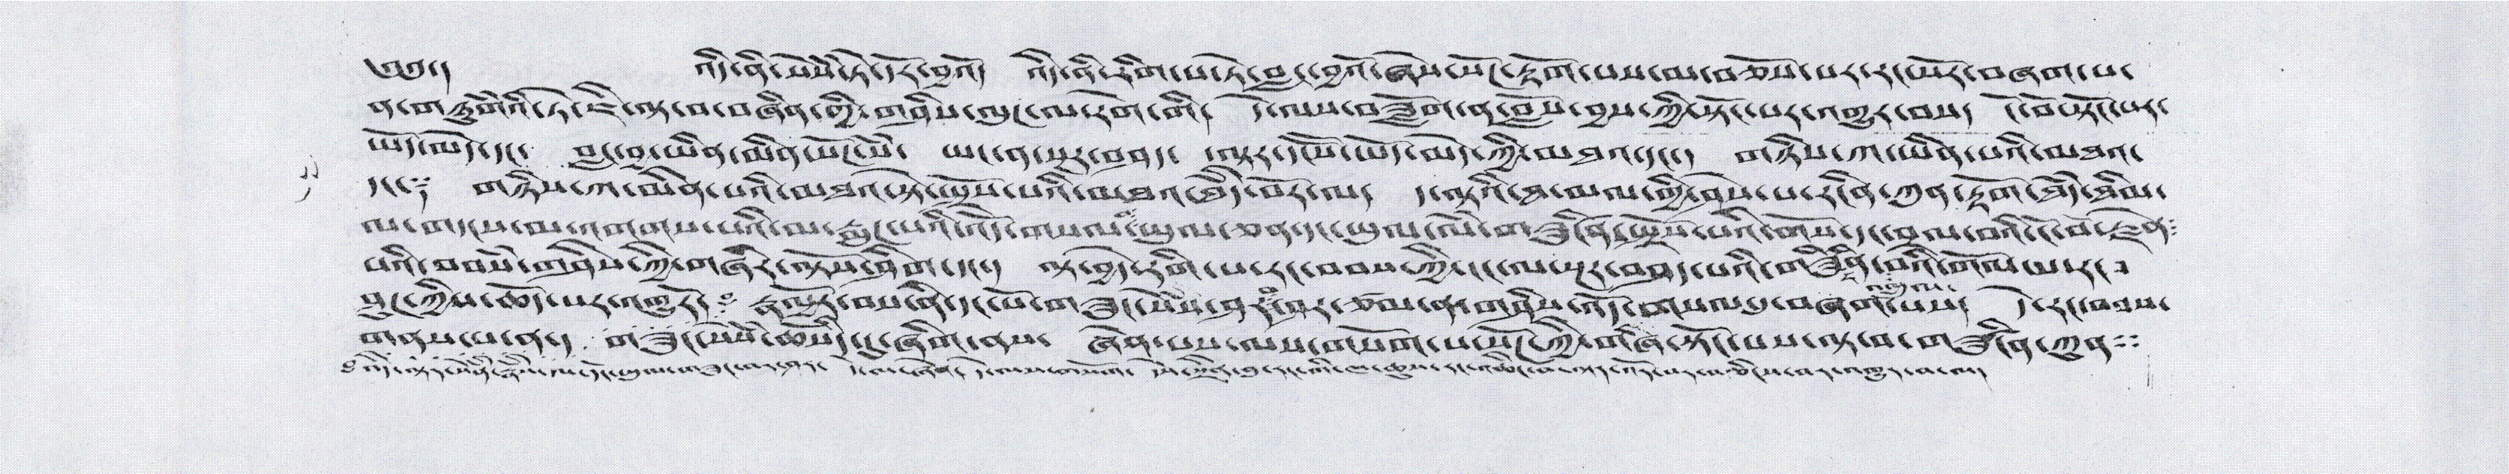འདི་ནི་སེམས་ཏེ་དོར་བྱའོ། འདི་ནི་རིག་པ་སྟེ་བླང་བྱའོ། ཞེས་སོགས་རྟོག་པས་མ་བཅོས་པར་རང་སོར་བཞག་པ་
ན་གཉུག་མའི་ཏེ་ཇི་ལྟ་བ་བཞིན་གྱི་གཤིས་ལུགས་ལ་རེག་གི དེ་ལས་བཟློག་ན་བློས་བྱས་ཀྱི་སྟོང་པར་འགྱུར་བས། ངོ་བོ་སྟོང་པར་
ཡོད་མེད་དང་། བླང་བྱ་ཡིན་མིན་སོགས་སམ། ཡང་ན་སྔར་བཤད་ད་ལྟར་དངོས་པོ་ཡོད་མེད་ཀྱི་མཐའ་དང་། གཉིས་ཀ་ཡིན་པའི་མཐའ་
དང་། གཉིས་ཀ་མིན་པའི་མཐའ་སྟེ་སྤྲོས་པའི་མཐའ་ཐམས་ཅད་བོར་ལ། ད་ལྟའི་ཐ་མལ་གྱི་ཤེས་པ་རང་བཞིན་ཀུན་རྟོག་ཐམས་ཅད་ཐིམ་
ལ་གདངས་མ་འགག་པའི་མ་རྨུགས་པའི་འོད་གསལ་བ་ཡུལ་ཅན་དང་ཡུལ་ལམ་གཟུང་འཛིན་སྤྲོས་པའི་གོས་དང་བྲལ་བའི་ངོ་བོ་རྗེན་
པའི་བབས་སམ་གཤིས་ཀྱི་གཞིར་ལྟོས་ཤིག་དང་། ལྟ་བྱེད་རིག་པ་རང་བབས་ཀྱི་ངང་ལ་སྔར་བཤད་པའི་གཟུང་འཛིན་འཁྲུལ་པའི་གོལ་ས་རང་
ཤུགས་ཀྱིས་ཆོད་པར་འགྱུར་རོ། རྣལ་འབྱོར་བས་ནི་དང་པོ་གཟུང་སེམས་ཤར་བ་ཤར་ཙམ་ན་གཤིས་འོད་གསལ་དུ་བཞག་པས། དེ་རང་བབས་
གནས་པ་ན། གཟུང་སེམས་ཆོས་ཉིད་དུ་ཞིག་ནས། ཞེན་པས་ལས་གསོགས་པ་སོགས་ཀྱི་གཞི་སྟོང་པས་ལྟ་བ་གཟུང་འཛིན་ཀུན་
འདི་ལྟར་སེམས་ཅན་རྣམས་ལ་དང་པོ་ཡུལ་གཟུང་བར་ཤར། དེ་ལ་ཞེན། དེ་ལ་གཡོས། དེ་ལ་སྲིན་བུ་རང་གི་ཁ་ཆུས་རང་འཆིང་བ་ལྟར་འཁོར་བར་བཅིངས་པར་འགྱུར་བ་ལ།